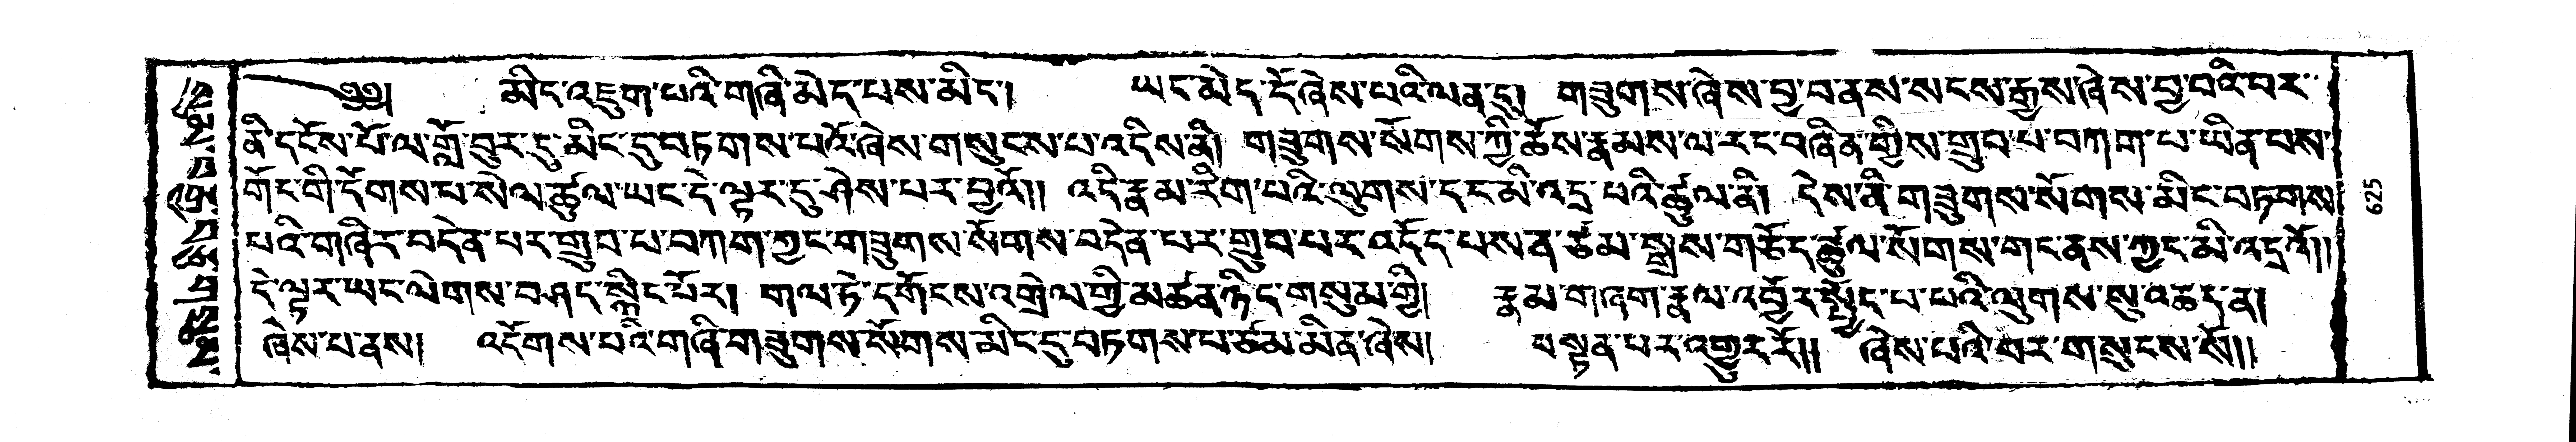༄༅། །མིང་འཇུག་པའི་གཞི་མེད་པས་མིང་། ཡང་མེད་དོ་ཞེས་པའི་ལན་དུ། གཟུགས་ཞེས་བྱ་བ་ནས་སངས་རྒྱས་ཞེས་བྱ་བའི་བར་
ནི་དངོས་པོ་ལ་གློ་བུར་དུ་མིང་དུ་བཏགས་པའོ་ཞེས་གསུངས་པ་འདིས་ནི། གཟུགས་སོགས་ཀྱི་ཆོས་རྣམས་ལ་རང་བཞིན་གྱིས་གྲུབ་པ་བཀག་པ་ཡིན་པས་
གོང་གི་དོགས་པ་སེལ་ཚུལ་ཡང་དེ་ལྟར་དུ་ཤེས་པར་བྱའོ། །འདི་རྣམ་རིག་པའི་ལུགས་དང་མི་འདྲ་པའི་ཚུལ་ནི། དེས་ནི་གཟུགས་སོགས་མིང་བཏགས་
པའི་གཞིར་བདེན་པར་གྲུབ་པ་བཀག་ཀྱང་གཟུགས་སོགས་བདེན་པར་གྲུབ་པར་འདོད་པས་ན་ཙམ་སྒྲས་གཅོད་ཚུལ་སོགས་གང་ནས་ཀྱང་མི་འདྲའོ།།
དེ་ལྟར་ཡང་ལེགས་བཤད་སྙིང་པོར། གལ་ཏེ་དགོངས་འགྲེལ་གྱི་མཚན་ཉིད་གསུམ་གྱི། རྣམ་གཞག་རྣལ་འབྱོར་སྤྱོད་པ་པའི་ལུགས་སུ་འཆད་ན།
ཞེས་པ་ནས། འདོགས་པའི་གཞི་གཟུགས་སོགས་མིང་དུ་བཏགས་པ་ཙམ་མིན་ཞེས། བསྟན་པར་འགྱུར་རོ།། ཞེས་པའི་བར་གསུངས་སོ།།